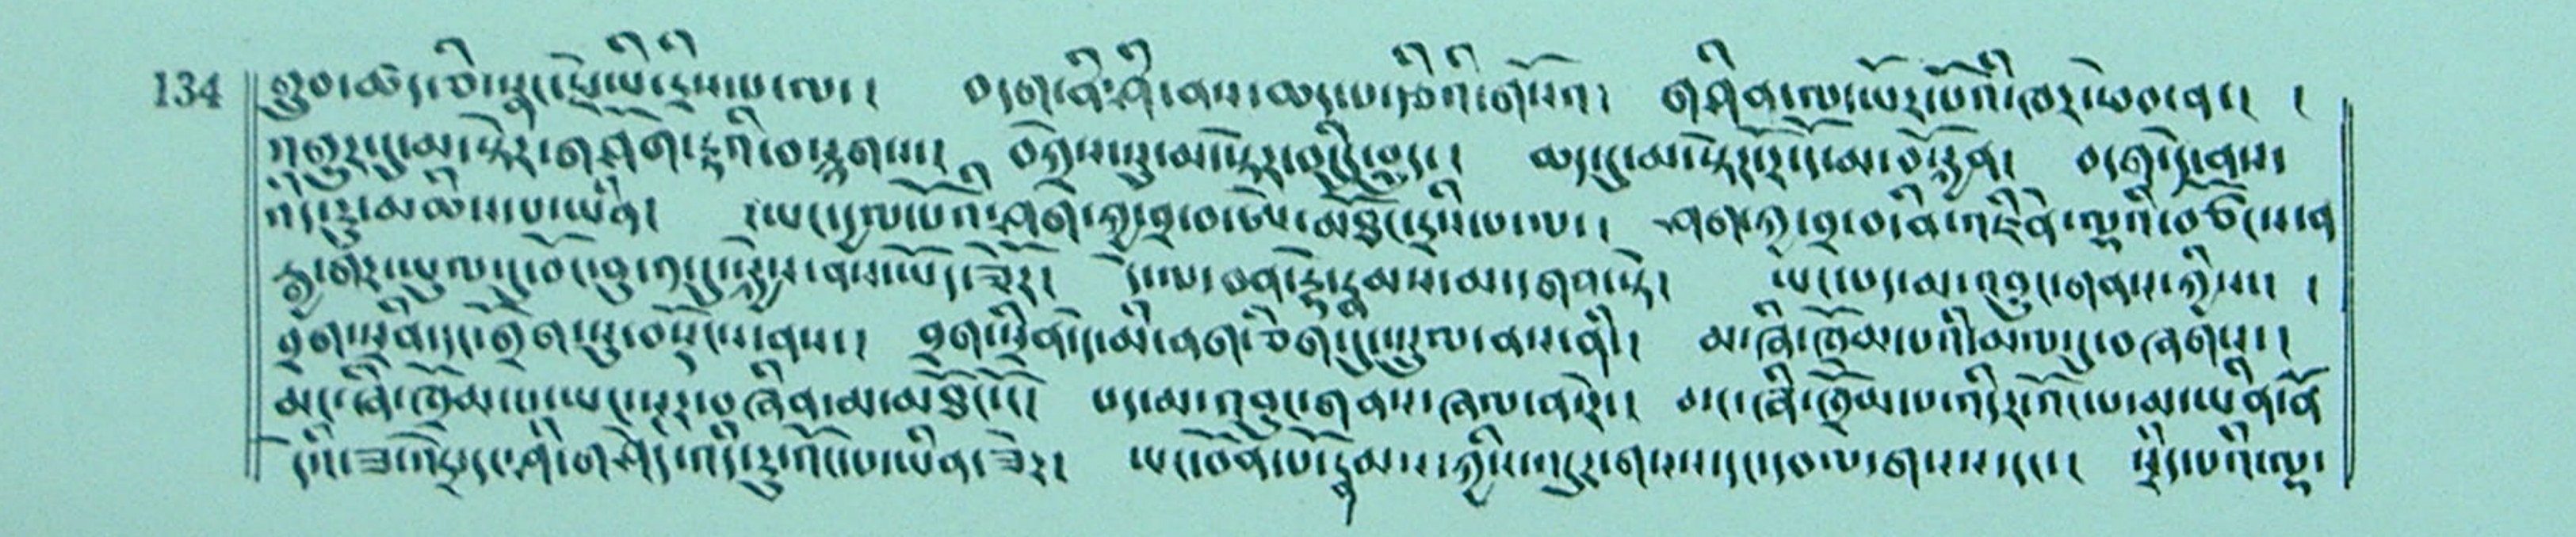གྲུབ་ཚད་ཅི་སྣང་རྗེ་ཡིས་དྲིས་པ་ལ། བདག་ནི་ཤི་ནས་ཆད་པ་རྩིའི་གསོ། གཤིན་ལ་ཡོར་པོའི་ཁར་ཕེབ་ན། 
འགྱུར་དུ་མ་སྟེར་གཤོག་རྟའི་བསྙགས། བཀྲེས་སུ་མ་སྟེར་བདུད་རྩི་བླུད། ཆད་དུ་མ་སྟེར་རོ་དོ་མ་བསྐྱོན། བདག་དེ་ནས་
འདི་རུ་མཆིས་པ་ཡིན། རྒྱལ་བོས་ཤག་ཀྱ་བྲ་བ་ཨེ་མཐོང་དྲིས་པ་ལ། ཤག་ཀྱ་བྲ་བ་ནི་འཇིག་རྟེན་ལྷའི་བཙོངས་ནས། 
རྒྱ་གར་ཡུལ་དུ་བོང་བུ་གཅིག་ཏུ་སྐྱེས་ནས་ཡོད་ཟེར། དེ་ལ་བན་དྷེ་རྣམས་མ་དགའ་སྟེ། ཡང་པད་མ་འབྱུང་གནས་ཀྱིས།
 བྲག་སྲིན་དང་གྲོགས་སུ་བསྡོངས་ནས། བྲག་སྲིན་དེ་མི་ནག་གཅིག་ཏུ་སྤྲུལ་ནས་ནི། མ་ཞི་ཁྲོམ་པའི་མལ་དུ་བཞགས། 
མང་ཞི་ཁྲོམ་པ་ཡང་སྔར་བཞིན་མ་མཐོང་ངོ་། །པད་མ་འབྱུང་གནས་ཞལ་ན་རེ། མང་ཞིང་ཁྲོམ་པ་འདིར་འོང་བ་མ་ཡིན་ནོ། །
དེའི་ཟ་འདྲེ་དང་ཤི་གཤེད་འདི་རུ་འོང་བ་ཡིན་ཟེར། ཡང་བོན་པོ་རྣམས་ཀྱིས་འདུར་གསས་དང་དབལ་གསས་དང་། སྲིད་པའི་ལྷ་